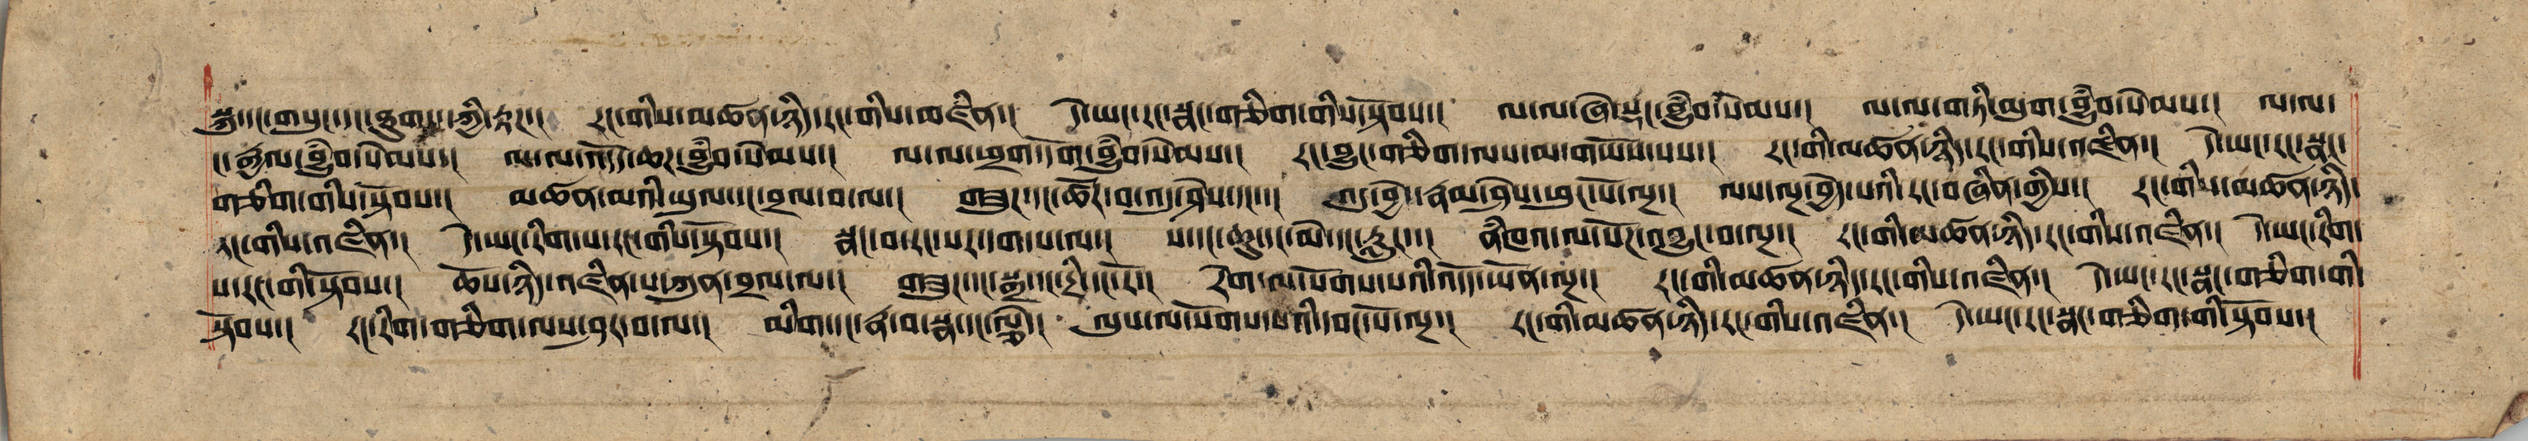སྐུ་དང་གསུང་དང་ཐུགས་ཀྱི་རྟཌ་། རང་གིས་མཚན་ཉིད་རང་གིས་མཛིན་། དེ་ཡང་རང་སྣང་གཅིག་གིས་སྟོབས་། ལ་ལ་ཞེ་སྡང་བྱུཾབ་སེམས་། ལ་ལ་གཏི་མུག་བྱུཾབ་སེམས་། ལ་ལ་
ང་རྒྱལ་བྱུཾབ་སེམས་། ལ་ལ་འདོད་ཆཌ་བྱུཾབ་སེམས་། ལ་ལ་ཕྲག་དོག་བྱུཾབ་སེམས་། རང་བྱུང་གཅིག་ལས་མ་གཡོས་པས་། རང་གི་མཚན་ཉིད་རང་གིས་འཛིན་། དེ་ཡང་རང་སྣང་
གཅིག་གིས་སྟོབས་། མཚན་མའི་ཡུལ་དང་བྲལ་བ་ལ་། གཟུཌ་དང་ཚོར་བ་འདུ་ཤེས་དང་་། འདུ་བྱེད་རྣམ་ཤེས་ཕུང་པོ་ལྔ་། ལས་ལྔ་བྱེད་པའི་རང་བཞིན་གྱིས་། རང་གིས་མཚན་ཉིད་
རང་གིས་འཛིན་། དེ་ཡང་རིག་པ་རང་གིས་སྟོབས་། སྣང་བ་རང་སར་དག་པ་ལ་། ས་དང་ཆུ་དང་མེ་དང་རླུང་་། ནཾཁའ་ལ་སོཌ་འབྱུང་བ་ལྔ་། རང་གི་མཚན་ཉིད་རང་གིས་འཛིན་། དེ་ཡང་རིག་
པ་རང་གི་སྟོབས་། ཆོས་ཉིད་འཛིན་པ་ཀུན་བྲལ་ལ་། གཟུཌ་དང་སྒྲ་དང་དྲི་དང་རོ་། རེག་ལ་སོགས་པའི་འདོད་ཡོན་ལྔ་། རང་གི་མཚན་ཉིད་རང་གིས་འཛིན་། དེ་ཡང་རང་སྣང་གཅིག་གི་
སྟོབས་། རང་རིག་གཅིག་ལས་ཤར་བ་ལ་། མིག་དང་རྣ་བ་སྣ་དང་ལྕེ་། ལུས་ལ་སོགས་པའི་དབང་པོ་ལྔ་། རང་གི་མཚན་ཉིད་རང་གིས་འཛིན་། དེ་ཡང་རང་སྣང་གཅིག་གི་སྟོབས་།